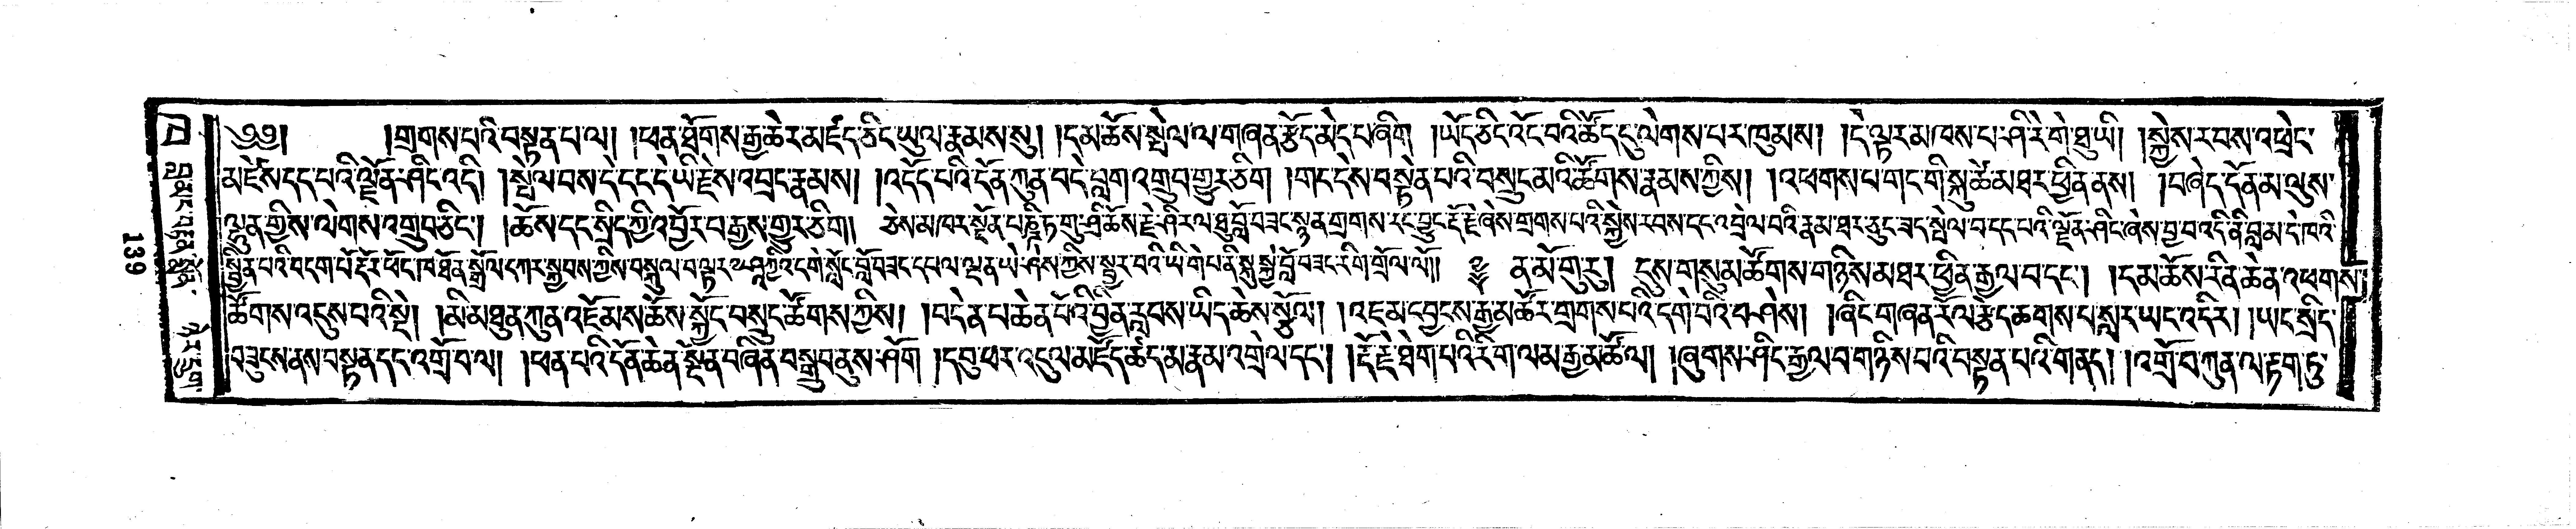༄༅། །གྲགས་པའི་བསྟན་པ་ལ། །ཕན་ཐོགས་རྒྱ་ཆེར་མཛད་ཅིང་ཡུལ་རྣམས་སུ། །དམ་ཆོས་སྤེལ་ལ་གཞན་རྩོད་མེད་པ་ཞིག །ཡོད་ཅིང་འོང་བའི་ཚོད་དུ་ལེགས་པར་ཁུམས། །དེ་ལྟར་མཁས་པ་ཤི་རེ་གེ་ཐུ་ཡི། །སྐྱེས་རབས་འཕྲེང་
མཛེས་དད་པའི་ལྗོན་ཤིང་འདི། །སྤེལ་བས་དེ་དང་དེ་ཡི་རྗེས་འབྲང་རྣམས། །འདོད་པའི་དོན་ཀུན་བདེ་བླག་འགྲུབ་གྱུར་ཅིག །གང་དེས་བསྟེན་པའི་བསྲུང་མའི་ཚོགས་རྣམས་ཀྱིས། །འཕགས་པ་གང་གི་སྐུ་ཚེ་མཐར་ཕྱིན་ནས། །བཞེད་དོན་མ་ལུས་
ལྷུན་གྱིས་ལེགས་འགྲུབ་ཅིང་། །ཆོས་དང་སྲིད་ཀྱི་འབྱོར་བ་རྒྱས་གྱུར་ཅིག། ཅེས་མཁར་སྔོན་པཎྜི་ཏ་གུ་ཤྲི་ཆོས་རྗེ་ཤིར་ལ་ཐུ་བློ་བཟང་སྙན་གྲགས་རང་བྱུང་རྡོ་རྗེ་ཞེས་གྲགས་པའི་སྐྱེས་རབས་དང་འབྲེལ་བའི་རྣམ་ཐར་ཅུང་ཟད་སྤེལ་བ་དང་པའི་ལྗོན་ཤིང་ཞེས་བྱ་བ་འདི་ནི་བླ་མ་དེ་ཁའི་
སྦྱིན་པའི་བདག་པོ་རྡོར་ཕོང་ཁ་ཐོན་སྒྲོལ་དཀར་སྐྱབས་ཀྱིས་བསྐུལ་བ་ལྟར་༧་ཤཱཀྱའི་དགེ་སློང་བློ་བཟང་དཔལ་ལྡན་ཡེ་ཤེས་ཀྱིས་སྦྱར་བའི་ཡི་གེ་པ་ནི་སྐུ་སྐྱེ་བློ་བཟང་རིག་གྲོལ་ལོ།། ༈ ན་མོ་གུ་རུ། དུས་གསུམ་ཚོགས་གཉིས་མཐར་ཕྱིན་རྒྱལ་བ་དང་། །དམ་ཆོས་རིན་ཆེན་འཕགས་
ཚོགས་འདུས་པའི་སྡེ། །མི་མཐུན་ཀུན་འཇོམས་ཆོས་སྐྱོང་བསྲུང་ཚོགས་ཀྱིས། །བདེན་པ་ཆེན་པོའི་བྱིན་རླབས་ཡིད་ཆེས་སྩོལ། །འཇམ་དབྱངས་རྒྱ་མཚོར་གྲགས་པའི་དགེ་བའི་བཤེས། །ཞིང་གཞན་རོལ་རྩེད་ཆགས་པ་སླར་ཡང་འདིར། །ཡང་སྲིད་
བཟུངས་ནས་བསྟན་དང་འགྲོ་བ་ལ། །ཕན་པའི་དོན་ཆེན་སྔོན་བཞིན་བསྒྲུབ་ནུས་ཤོག །དབུ་ཕར་འདུལ་མཛོད་ཚད་མ་རྣམ་འགྲེལ་དང་། །རྡོ་རྗེ་ཐེག་པའི་རིག་ལམ་རྒྱ་མཚོ་ལ། །ཞུགས་ཤིང་རྒྱལ་བ་གཉིས་པའི་བསྟན་པའི་གནད། །འགྲོ་བ་ཀུན་ལ་རྟག་ཏུ་